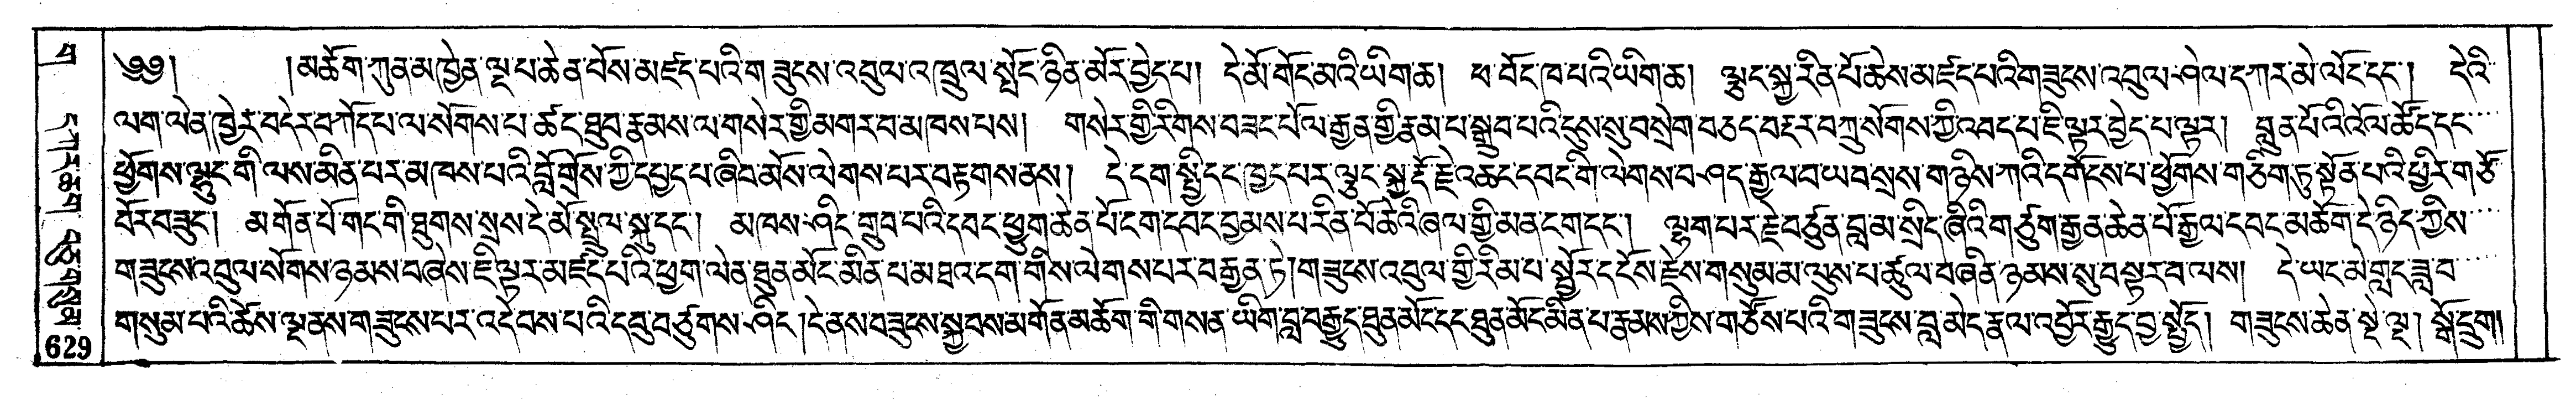༄༅། །མཆོག་ཀུན་མཁྱེན་ལྔ་པ་ཆེན་པོས་མཛད་པའི་གཟུངས་འབུལ་འཁྲུལ་སྤོང་ཉིན་མོར་བྱེད་པ། དེ་མོ་གོང་མའི་ཡིག་ཆ། ཕ་བོང་ཁ་པའི་ཡིག་ཆ། ལྕང་སྐྱ་རིན་པོ་ཆེས་མཛད་པའི་གཟུངས་འབུལ་ཤེལ་དཀར་མེ་ལོང་དང་། དེའི་
ལག་ལེན་ཁྱེར་བདེར་བཀོད་པ་ལ་སོགས་ལ་ཚང་ཐུབ་རྣམས་ལ་གསེར་གྱི་མགར་བ་མཁས་པས། གསེར་གྱི་རིགས་བཟང་པོལ་རྒྱན་གྱི་རྣམ་པ་སྒྲུབ་པའི་དུས་སུ་བསྲེག་བཅད་བརྡར་བཀྲུ་སོགས་ཀྱི་འབད་པ་ཇི་ལྟར་བྱེད་པ་ལྟར། བླུན་པོའི་འོལ་ཚོད་དང་
ཕྱོགས་ལྷུང་གི་ལས་མིན་པར་མཁས་པའི་བློ་གྲོས་ཀྱི་དཔྱད་པ་ཞིབ་མོས་ལེགས་པར་བརྟགས་ནས། དེ་དག་སྤྱི་དང་ཁྱད་པར་ལྕང་སྐྱ་རྡོ་རྗེ་འཆང་དབང་གི་ལེགས་བཤད་རྒྱལ་བ་ཡབ་སྲས་གཉིས་ཀའི་དགོངས་པ་ཕྱོགས་གཅིག་ཏུ་སྟོན་པའི་ཕྱིར་གཙོ་
བོར་བཟུང་། མགོན་པོ་གང་གི་ཐུགས་སྲས་དེ་མོ་སྤྲུལ་སྐུ་དང་། མཁས་ཤིང་གྲུབ་པའི་དབང་ཕྱུག་ཆེན་པོ་ངག་དབང་བྱམས་པ་རིན་པོ་ཆེའི་ཞལ་གྱི་མན་ངག་དང་། ལྷག་པར་རྗེ་བཙུན་བླ་མ་སྲིད་ཞིའི་གཙུག་རྒྱན་ཆེན་པོ་རྒྱལ་དབང་མཆོག་དེ་ཉིད་ཀྱིས་
གཟུངས་འབུལ་སོགས་ཉམས་བཞེས་ཇི་ལྟར་མཛད་པའི་ཕྱག་ལེན་ཐུན་མོང་མིན་པ་མཐའ་དག་གིས་ལེགས་པར་བརྒྱན་ཏེ། གཟུངས་འབུལ་གྱི་རིམ་པ་སྤྱོར་དངོས་རྗེས་གསུམ་མ་ལུས་བ་ཚུལ་བཞིན་ཉམས་སུ་བསྟར་བ་ལས། དེ་ཡང་མེ་གླང་ཟླ་བ་
གསུམ་པའི་ཚེས་ལྔ་ནས་གཟུངས་པར་འདེབས་པའི་དབུ་བཙུགས་ཤིང་།དེ་ནས་བཟུངས་སྐྱབས་མགོན་མཆོག་གི་གསན་ཡིག་བླ་བརྒྱུད་ཐུན་མོང་དང་ཐུན་མོང་མིན་པ་རྣམས་ཀྱིས་གཙོས་པའི་གཟུངས་བླ་མེད་རྣལ་འབྱོར་རྒྱུད་བྱ་སྤྱོད། གཟུངས་ཆེན་སྡེ་ལྔ། སྒོ་དྲུག།